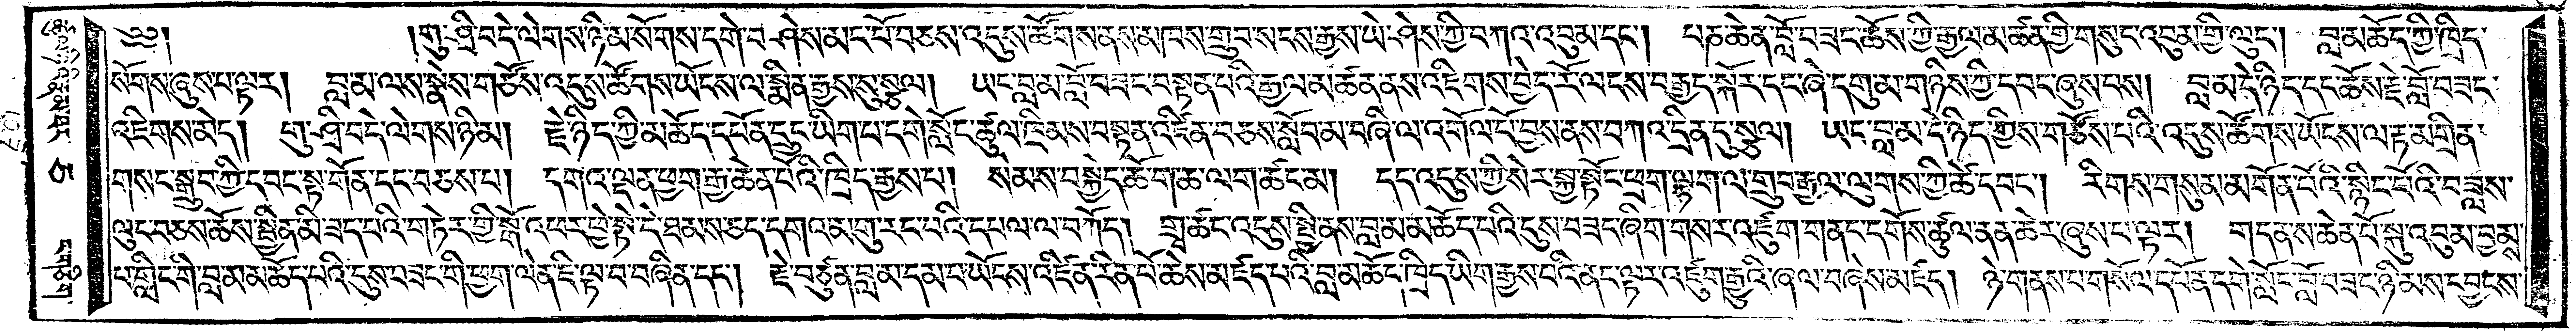༄༅། །གུ་ཤྲི་བདེ་ལེགས་ཉི་མ་སོགས་དགེ་བཤེས་མང་པོ་བཅས་འདུས་ཚོགས་ནས་མཁས་གྲུབ་སངས་རྒྱས་ཡེ་ཤེས་ཀྱི་བཀའ་འབུམ་དང་། པཎ་ཆེན་བློ་བཟང་ཆོས་ཀྱི་རྒྱལ་མཚན་གྱི་གསུང་འབུམ་གྱི་ལུང་། བླ་མཆོད་ཀྱི་ཁྲིད་
སོགས་ཞུས་པ་ལྟར། བླ་མ་ལས་སྣེས་གཙོས་འདུས་ཚོགས་ཡོངས་ལ་སྨིན་རྒྱས་སུ་སྩལ། ཡང་བླ་མ་བློ་བཟང་བསྟན་པའི་རྒྱལ་མཚན་ནས་འཇིགས་བྱེད་རོ་ལངས་བརྒྱད་སྐོར་དང་ཞེ་དགུ་མ་གཉིས་ཀྱི་དབང་ཞུས་པས། བླ་མ་དེ་ཉིད་དང་ཆོས་རྗེ་བློ་བཟང་
འཇིགས་མེད། གུ་ཤྲི་བདེ་ལེགས་ཉི་མ། རྗེ་ཉིད་ཀྱི་མཆོད་དཔོན་དྲུང་ཡིག་པ་དགེ་སློང་ཚུལ་ཁྲིམས་བསྟན་འཛིན་བཅས་སློབ་མ་བཞི་ལ་འགོལ་པོ་བྱས་ནས་བཀའ་དྲིན་དུ་སྩལ། ཡང་བླ་མ་དེ་ཉིད་ཀྱིས་གཙོས་པའི་འདུས་ཚོགས་ཡོངས་ལ་རྟ་མགྲིན་
གསང་སྒྲུབ་ཀྱི་དབང་སྟ་གོན་དང་བཅས་པ། དགའ་ལྡན་ཕྱག་རྒྱ་ཆེན་པོའི་ཁྲིད་རྒྱས་པ། སེམས་བསྐྱེད་ཆོ་ག་ཆ་ལག་ཚང་མ། དད་འདུས་ཀྱི་སེར་སྐྱ་སྟོང་ཕྲག་ལྷག་ལ་གྲུབ་རྒྱལ་ལུགས་ཀྱི་ཚེ་དབང་། རིགས་གསུམ་མགོན་པོའི་སྙིང་བོའི་བཟླས་
ལུང་བཅས་ཆོས་སྦྱིན་མི་ཟད་པའི་གཏེར་གྱི་སྒོ་འཕར་ཕྱེ་སྟེ་དེ་ཐམས་ཅད་དགའ་མགུ་རང་པའི་དཔལ་ལ་བཀོད། གྲྭ་ཚང་འདུས་སྤྱི་ནས་བླ་མ་མཆོད་པའི་དུས་བཟང་ཞིག་གསར་འཛུག་གནང་དགོས་ཚུལ་ནན་ཆེར་ཞུས་པ་ལྟར། གདན་ས་ཆེན་བོ་སྐུ་འབུམ་བྱམས་
པ་གླིང་གི་བླ་མ་མཆོད་པའི་དུས་བཟང་གི་ཕྱག་ལེན་ཇི་ལྟ་བ་བཞིན་དང་། རྗེ་བཙུན་བླ་མ་དམ་བ་ཡོངས་འཛིན་རིན་པོ་ཆེས་མཛད་པའི་བླ་མཆོད་ཁྲིད་ཡིག་རྒྱས་བའི་ནང་ལྟར་འཛུག་རྒྱུའི་ཞལ་བཞེས་མཛད། ཉེ་གན་ས་བ་གསོལ་དཔོན་དགེ་སློང་བློ་བཟང་ཉི་མས་དབྱངས་